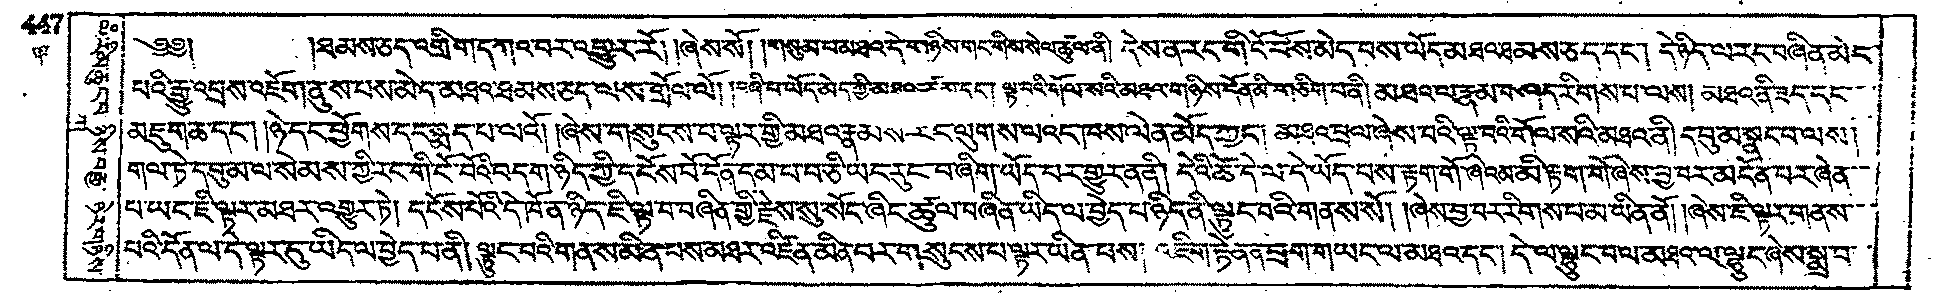༄༅། །ཐམས་ཅད་འགྲིག་དཀའ་བར་འགྱུར་རོ། །ཞེས་སོ། །གསུམ་པ་མཐའ་དེ་གཉིས་གང་གིས་སེལ་ཚུལ་ནི།  དེས་ན་རང་གི་ངོ་བོས་མེད་པས་ཡོད་མཐའ་ཐམས་ཅད་དང་། དེ་ཉིད་ལ་རང་བཞིན་མེད་
པའི་རྒྱུ་འབྲས་འཇོག་ནུས་པས་མེད་མཐའ་ཐམས་ཅད་ལས་གྲོལ་ལོ། །བཞི་པ་ཡོད་མེད་ཀྱི་མཐའ་ཙམ་དང་། ལྟ་བའི་གོལ་སའི་མཐའ་གཉིས་དོན་མི་གཅིག་པ་ནི།  མཐའ་ལ་རྣམ་བཤད་རིགས་པ་ལས། མཐའ་ནི་ཟད་དང་
མཇུག་ཆ་དང་། །ཉེ་དང་ཕྱོགས་དང་སྨད་པ་ལའོ། །ཞེས་གསུངས་པ་ལྟར་གྱི་མཐའ་རྣམས་རང་ལུགས་ལའང་ཁས་ལེན་མོད་ཀྱང་། མཐའ་བྲལ་ཞེས་པའི་ལྟ་བའི་གོལ་སའི་མཐའ་ནི། དབུ་མ་སྣང་བ་ལས།
གལ་ཏེ་དབུ་མ་ལ་སེམས་ཀྱི་རང་གི་ངོ་བོའི་བདག་ཉིད་ཀྱི་དངོས་པོ་དོན་དམ་པ་བ་ཅི་ཡང་རུང་བ་ཞིག་ཡོད་པར་གྱུར་ན་ནི། དེའི་ཚེ་དེ་ལ་དེ་ཡོད་པས་རྟག་གོ་ཞེའམ་མི་རྟག་གོ་ཞེས་བྱ་བར་མངོན་པར་ཞེན་
པ་ཡང་ཇི་ལྟར་མཐར་འགྱུར་ཏེ། དངོས་པོའི་དེ་ཁོ་ན་ཉིད་ཇི་ལྟ་བ་བཞིན་གྱི་རྗེས་སུ་སོང་ཞིང་ཚུལ་བཞིན་ཡིད་ལ་བྱེད་པ་ཉིད་ནི་ལྟུང་བའི་གནས་སོ། །ཞེས་བྱ་བར་རིགས་པ་མ་ཡིན་ནོ། །ཞེས་ཇི་ལྟར་གནས་
པའི་དོན་ལ་དེ་ལྟར་དུ་ཡིད་ལ་བྱེད་པ་ནི། ལྟུང་བའི་གནས་མིན་པས་མཐར་འཛིན་མིན་པར་གསུངས་པ་ལྟར་ཡིན་པས། འཇིག་རྟེན་ན་བྲག་གཡང་ལ་མཐའ་དང་། དེ་ལ་ལྷུང་བ་ལ་མཐའ་ལ་ལྷུང་ཞེས་སྨྲ་བ་